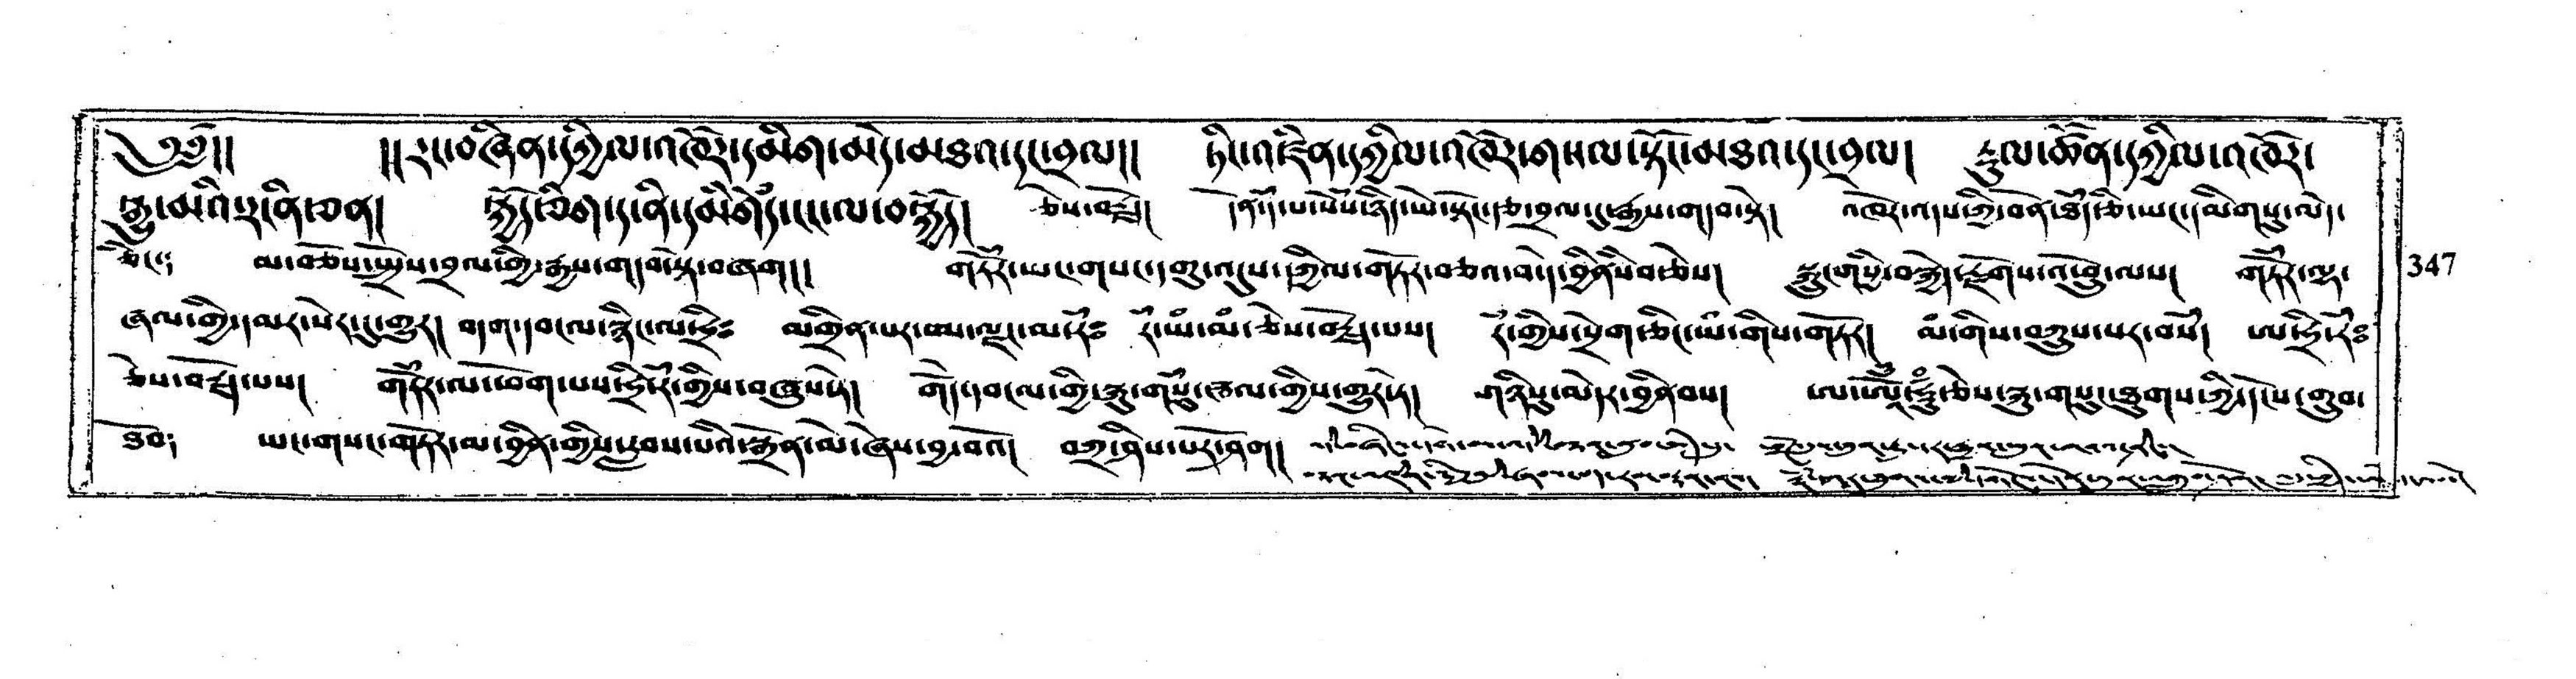རང་བཞིན་དཀྱིལ་འཁོར་དམིག་མེད་མཐའ་དང་བྲལ།། ཏིང་འཛིན་དཀྱིལ་འཁོར་གསལ་སྟོང་མཐའ་དང་བྲལ། རྡུལ་ཚོན་དཀྱིལ་འཁོར་
སྒྱུ་མའི་རང་བཞིན་ཅན། སྐྱོད་ཅིག་ད་ནི་དམིགས་མེད་ངང་ལ་བསྐྱོད། ཅེས་བརྗོད། དོན་དམ་པ་སེམས་ཉིད་ཡེ་སྟོང་རྩ་བྲལ་དུ་རྒྱས་གདབ་སྟེ། འཁོར་འདས་ཀྱི་བོན་ཐམས་ཅད་ཅི་ཡང་དམིགས་སུ་མེད་
ཅིང་། མ་བཅོས་སྤྲོས་བྲལ་གྱི་རྒྱས་གདབ་སྟེ་བཞག།། གཏོར་མ་ཡང་གསང་དགུ་འདུས་དཀྱིལ་གཏོར་བཅའ་བ་དེ་བྱིན་གྱིས་བརླབ་ཅེས། སྐུ་གསུང་ཐུགས་ཀྱི་བསྐྱེད་རྫོགས་འཕྲོ་འདུ་ལས། གཏོར་མ་ལྷ་
ཞལ་གྱི་དམར་སེར་དུ་གྱུར། བདག་དབང་བསྐུལ་སྙིང་ལ་ཧྲིཿ མགྲིན་པར་ཨ་ལྗང་མ་རཾཿ རཾ་ཡཾ་མཾ་ཅེས་བརྗོད་པས། རཾ་གྱིས་སྲེག་ཅིང་ཡཾ་གིས་གཏོར། མཾ་གིས་བཀྲུས་པར་བསམ། ཨ་ཧྲི་རཾཿ
ཅེས་བརྗོད་པས། གཏོར་མ་ལ་ཕོག་པས་ཧྲི་རཾ་གྱིས་བཞུས་ཏེ། གེ་ཁོད་དབང་བསྐུལ་གྱི་སྐུ་གསུམ་ཝལ་གྱིས་གྱུར་ཏེ། གཉིས་སུ་མེད་པར་བྱིན་རླབས། ཨ་ཨཱོཾ་ཧཱུྃ་ཅེས་སྐུ་གསུང་ཐུགས་ཀྱི་དངོས་གྲུབ་
ཐོབ། ཡང་གསང་གཏོར་མ་བྱིན་གྱིས་བརླབས་པའི་སྒྲོན་མེ་ཞེས་བྱ་བའོ། །བཀྲ་ཤིས་པར་ཤོགའདི་བཞེངས་དགེ་བས་འདི་བསྟན་ནུབ་མེད་དུ། །ཕྱོགས་དུས་ཀུན་ཏུ་དར་རྒྱས་ཡུན་གནས་ཤིང་། །
བསྟན་འཛིན་སྐྱེས་བུའི་ཞབས་པད་རབ་བརྟན་ནས། །རྣམ་དཀར་ཐུགས་ཀྱི་དགོངས་དོན་ཀུན་འགྲུབ་ཤོག། འདུ་བྱེད་པོས་དང་པས་སོ།།